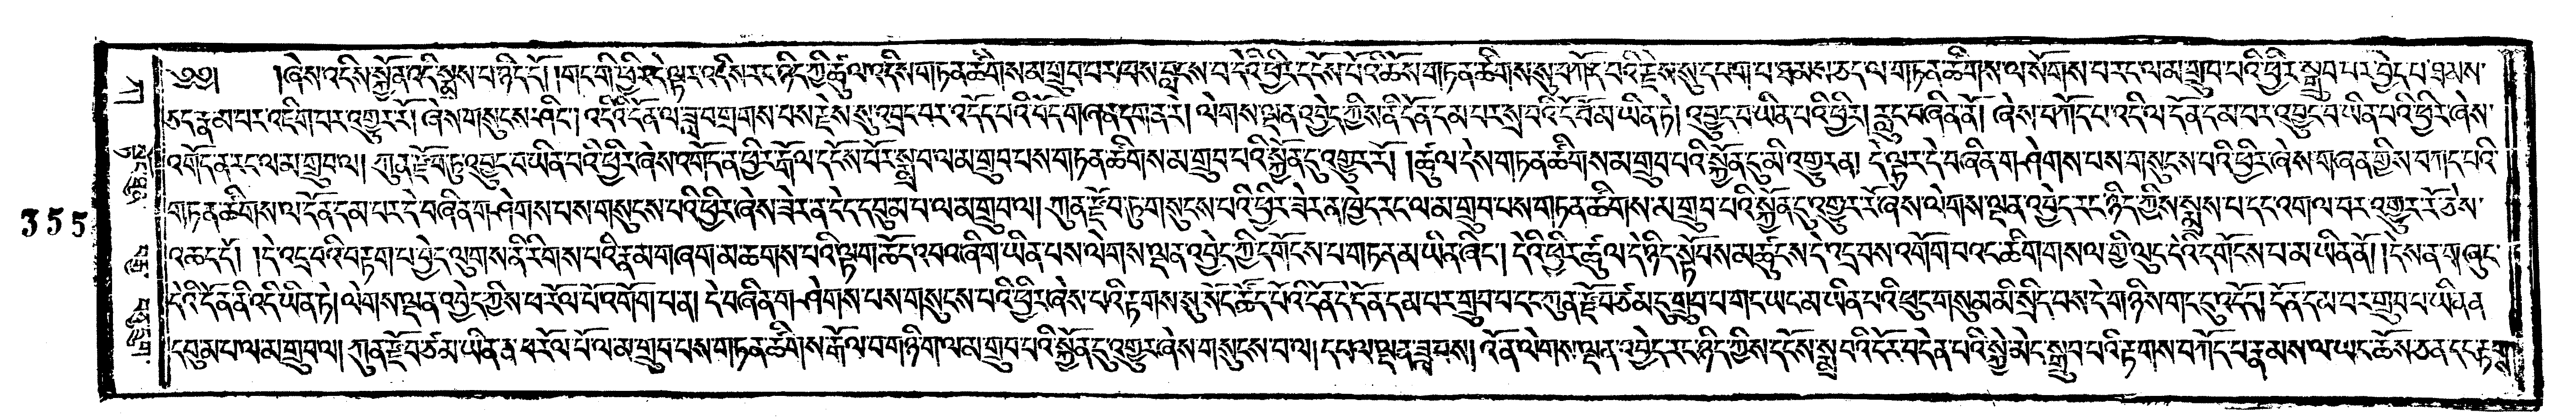༄༅། །ཞེས་འདིས་སྐྱོན་འདི་སྨྲས་པ་ཉིད་དོ། །གང་གི་ཕྱིར་དེ་ལྟར་འདིས་རང་ཉིད་ཀྱི་ཚུལ་འདིས་གཏན་ཚིགས་མ་གྲུབ་པར་ཁས་བླངས་པ་དེའི་ཕྱིར་དངོས་པོའི་ཆོས་གཏན་ཚིགས་སུ་བཀོད་པའི་རྗེས་སུ་དཔག་པ་ཐམས་ཅད་ལ་གཏན་ཚིགས་ལ་སོགས་པ་རང་ལ་མ་གྲུབ་པའི་ཕྱིར་སྒྲུབ་པར་བྱེད་པ་ཐམས་
ཅད་རྣམ་པར་འཇིག་པར་འགྱུར་རོ། ཞེས་གསུངས་ཤིང་། འདིའི་དོན་ལ་ཟླ་བ་གྲགས་པས་རྗེས་སུ་འབྲང་བར་འདོད་པའི་བོད་གཞན་དག་ན་རེ། ལེགས་ལྡན་འབྱེད་ཀྱིས་ནི་དོན་དམ་པར་སྲ་བའི་ངོ་བོ་མ་ཡིན་ཏེ། འབྱུང་བ་ཡིན་པའི་ཕྱིར། རླུང་བཞིན་ནོ། ཞེས་བཀོད་པ་འདི་ལ་དོན་དམ་པར་འབྱུང་བ་ཡིན་པའི་ཕྱིར་ཞེས་
འགོད་ན་རང་ལམ་གྲུབ་ལ། ཀུན་རྫོབ་ཏུ་འབྱུང་བ་ཡིན་པའི་ཕྱིར་ཞེས་འགོད་ན་ཕྱིར་རྒོལ་དངོས་པོར་སྨྲ་བ་ལ་མ་གྲུབ་པས་གཏན་ཚིགས་མ་གྲུབ་པའི་སྐྱོན་དུ་འགྱུར་རོ། །ཚུལ་དེས་གཏན་ཚིགས་མ་གྲུབ་པའི་སྐྱོན་དུ་མི་འགྱུར་ན། དེ་ལྟར་དེ་བཞིན་གཤེགས་པས་གསུངས་པའི་ཕྱིར་ཞེས་གཞན་གྱིས་བཀད་པའི་
གཏན་ཚིགས་ལ་དོན་དམ་པར་དེ་བཞིན་གཤེགས་པས་གསུངས་པའི་ཕྱིར་ཞེས་ཟེར་ན་དེད་དབུམ་པ་ལམ་གྲུབ་ལ། ཀུན་རྫོབ་ཏུ་གསུངས་པའི་ཕྱིར་ཟེར་ན་ཁྱེད་རང་ལ་མ་གྲུབ་པས་གཏན་ཚིགས་མ་གྲུབ་པའི་སྐྱོན་དུ་འགྱུར་རོ་ཞེས་ལེགས་ལྡན་འབྱེད་རང་ཉིད་ཀྱིས་སྨྲས་པ་དང་འགལ་བར་འགྱུར་རོ་ཅེས་
འཆད་དོ། །དེ་འདྲ་བའི་བརྟག་པ་བྱེད་ལུགས་ནི་རིགས་པའི་རྣམ་གཞག་མ་ཆགས་པའི་ལྟག་ཆོད་འབའ་ཞིག་ཡིན་པས་ལེགས་ལྡན་འབྱེད་ཀྱི་དགོངས་པ་གཏན་མ་ཡིན་ཞིང་། དེའི་ཕྱིར་ཚུལ་དེ་ཉིད་སྟོབས་མཚུངས་དེ་འདྲ་བས་འགོག་བའང་ཚིག་གསལ་གྱི་ལུང་དེའི་དགོངས་པ་མ་ཡིན་ནོ། །དེས་ན་གཞུང་
དེའི་དོན་ནི་འདི་ཡིན་ཏེ། ལེགས་ལྡན་འབྱེད་ཀྱིས་ཕ་རོལ་པོ་འགོག་པ་ན། དེ་བཞིན་གཤེགས་པས་གསུངས་པའི་ཕྱིར་ཞེས་པའི་རྟགས་སུ་སོང་ཚོད་པོའི་དོན་དེ་དོན་དམ་པར་གྲུབ་པ་དང་ཀུན་རྫོབ་ཙམ་དུ་གྲུབ་པ་གང་ཡང་མ་ཡིན་པའི་ཕུང་གསུམ་མི་སྲིད་པས་དེ་གཉིས་གང་དུ་འདོད། དོན་དམ་པར་གྲུབ་པ་ཡིན་ན་
དབུ་མ་པ་ལ་མ་གྲུབ་ལ། ཀུན་རྫོབ་ཙམ་ཡིན་ན་ཕ་རོལ་པོ་ལ་མ་གྲུབ་པས་གཏན་ཚིགས་རྒོལ་བ་གཉི་ག་ལ་མ་གྲུབ་པའི་སྐྱོན་དུ་འགྱུར་ཞེས་གསུངས་བ་ལ། དཔལ་ལྡན་ཟླ་བས་འོ་ན་ལེགས་ལྡན་འབྱེད་རང་ཉིད་ཀྱིས་དངོས་སྨྲ་བའི་ངོར་བདེན་པའི་སྐྱེ་མེད་སྒྲུབ་པའི་རྟགས་བཀོད་པ་རྣམས་ལ་ཡང་ཆོས་ཅན་དང་རྟགས་